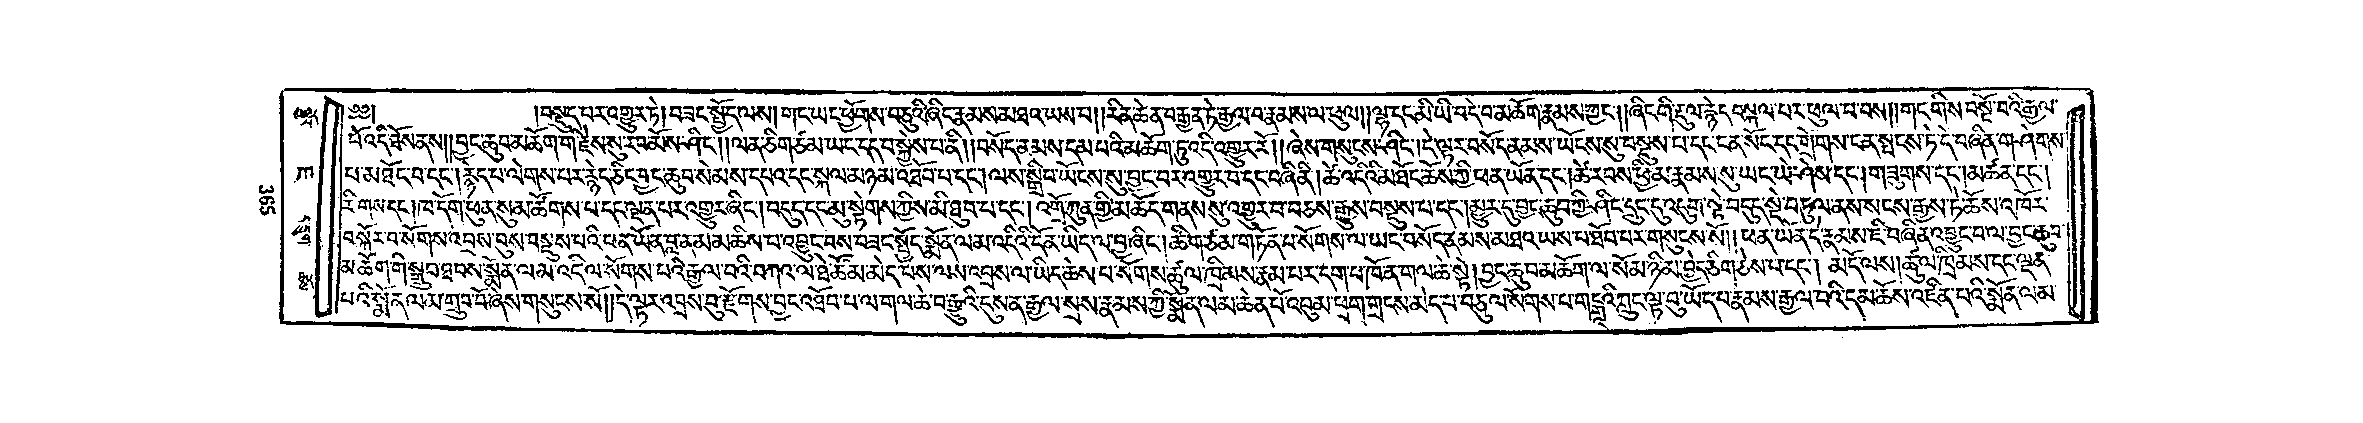༄༅། །བསྡུད་པར་འགྱུར་ཏེ། བཟང་སྤྱོད་ལས། གང་ཡང་ཕྱོགས་བཅུའི་ཞིང་རྣམས་མཐའ་ཡས་པ། །རིན་ཆེན་བརྒྱན་ཏེ་རྒྱལ་བ་རྣམས་ལ་ཕུལ། །ལྷ་དང་མི་ཡི་བདེ་བ་མཆོག་རྣམས་ཀྱང་། །ཞིང་གི་རྡུལ་རྙེད་བསྐལ་བར་ཕུལ་བ་བས། །གང་གིས་བསྔོ་བའི་རྒྱལ་
པོ་འདི་ཐོས་ནས། །བྱང་ཆུབ་མཆོག་གི་རྗེས་སུ་རབ་མོས་ཤིང་། །ལན་ཅིག་ཙམ་ཡང་དད་བ་སྐྱེས་པ་ནི། །བསོད་ནམས་དམ་པའི་མཆོག་ཏུ་འདི་འགྱུར་རོ། །ཞེས་གསུངས་ཤིང་། དེ་ལྟར་བསོད་ནམས་ཡོངས་སུ་བསྡུས་པ་དང་ངན་སོང་དང་གྲོགས་ངན་སྤངས་ཏེ་དེ་བཞིན་གཤེགས་
པ་མཐོང་བ་དང་། རྙེད་པ་ལེགས་པར་རྙེད་ཅིང་བྱང་ཆུབ་སེམས་དཔའ་དང་སྐལ་མཉམ་འཐོབ་པ་དང་། ལས་སྒྲིབ་ཡོངས་སུ་བྱང་བར་འགྱུར་བ་དང་བཞི་ནི། ཚེ་འདིའི་མཐོང་ཆོས་ཀྱི་ཕན་ཡོན་དང་། ཚེ་རབས་ཕྱི་མ་རྣམས་སུ་ཡང་ཡེ་ཤེས་དང་། གཟུགས་དང་། མཚན་དང་།
རིགས་དང་། ཁ་དོག་ཕུན་སུམ་ཚོགས་པ་དང་ལྡན་པར་འགྱུར་ཞིང་། བདུད་དང་མུ་སྟེགས་ཀྱིས་མི་ཐུབ་པ་དང་། འགྲོ་ཀུན་གྱི་མཆོད་གནས་སུ་འགྱུར་བ་བཅས་རྒྱུས་བསྡུས་པ་དང་། མྱུར་དུ་བྱང་ཆུབ་ཀྱི་ཤིང་དྲུང་དུ་འདུག་སྟེ་བདུད་སྡེ་བཏུལ་ནས་སངས་རྒྱས་ཏེ་ཆོས་འཁོར་
བསྐོར་བ་སོགས་འབྲས་བུས་བསྡུས་པའི་ཕན་ཡོན་བླ་ན་མ་མཆིས་པ་འབྱུང་བས་བཟང་སྤྱོད་སྨོན་ལམ་འདིའི་དོན་ཡིད་ལ་བྱ་ཞིང་། ཚིག་ཙམ་གཏོན་པ་སོགས་ལ་ཡང་བསོད་ནམས་མཐའ་ཡས་པ་ཐོབ་པར་གསུངས་སོ། །ཕན་ཡོན་དེ་རྣམས་ཇི་བཞིན་འབྱུང་བ་ལ་བྱང་ཆུབ་
མཆོག་གི་སྒྲུབ་ཐབས་སྨོན་ལམ་འདི་ལ་སོགས་པའི་རྒྱལ་བའི་བཀའ་ལ་ཐེ་ཚོམ་མེད་པས་ལས་འབྲས་ལ་ཡིད་ཆེས་པ་སོགས་ཚུལ་ཁྲིམས་རྣམ་པར་དག་པ་ཁོ་ན་གལ་ཆེ་སྟེ། བྱང་ཆུབ་མཆོག་ལ་སོམ་ཉི་མ་བྱེད་ཅིག་ཅེས་པ་དང་། མདོ་ལས། ཚུལ་ཁྲིམས་དང་ལྡན་
པའི་སྨོན་ལམ་གྲུབ་པོ་ཞེས་གསུངས་སོ། །དེ་ལྟར་འབྲས་བུ་རྫོགས་བྱང་འཐོབ་པ་ལ་གལ་ཆེ་བ་རྒྱུའི་དུས་ན་རྒྱལ་སྲས་རྣམས་ཀྱི་སྨོན་ལམ་ཆེན་པོ་འབུམ་ཕྲག་གྲངས་མེད་པ་བཅུ་ལ་སོགས་པ་གངྒཱའི་ཀླུང་ལྟ་བུ་ཡོད་པ་རྣམས་རྒྱལ་བའི་དམ་ཆོས་འཛིན་པའི་སྨོན་ལམ་